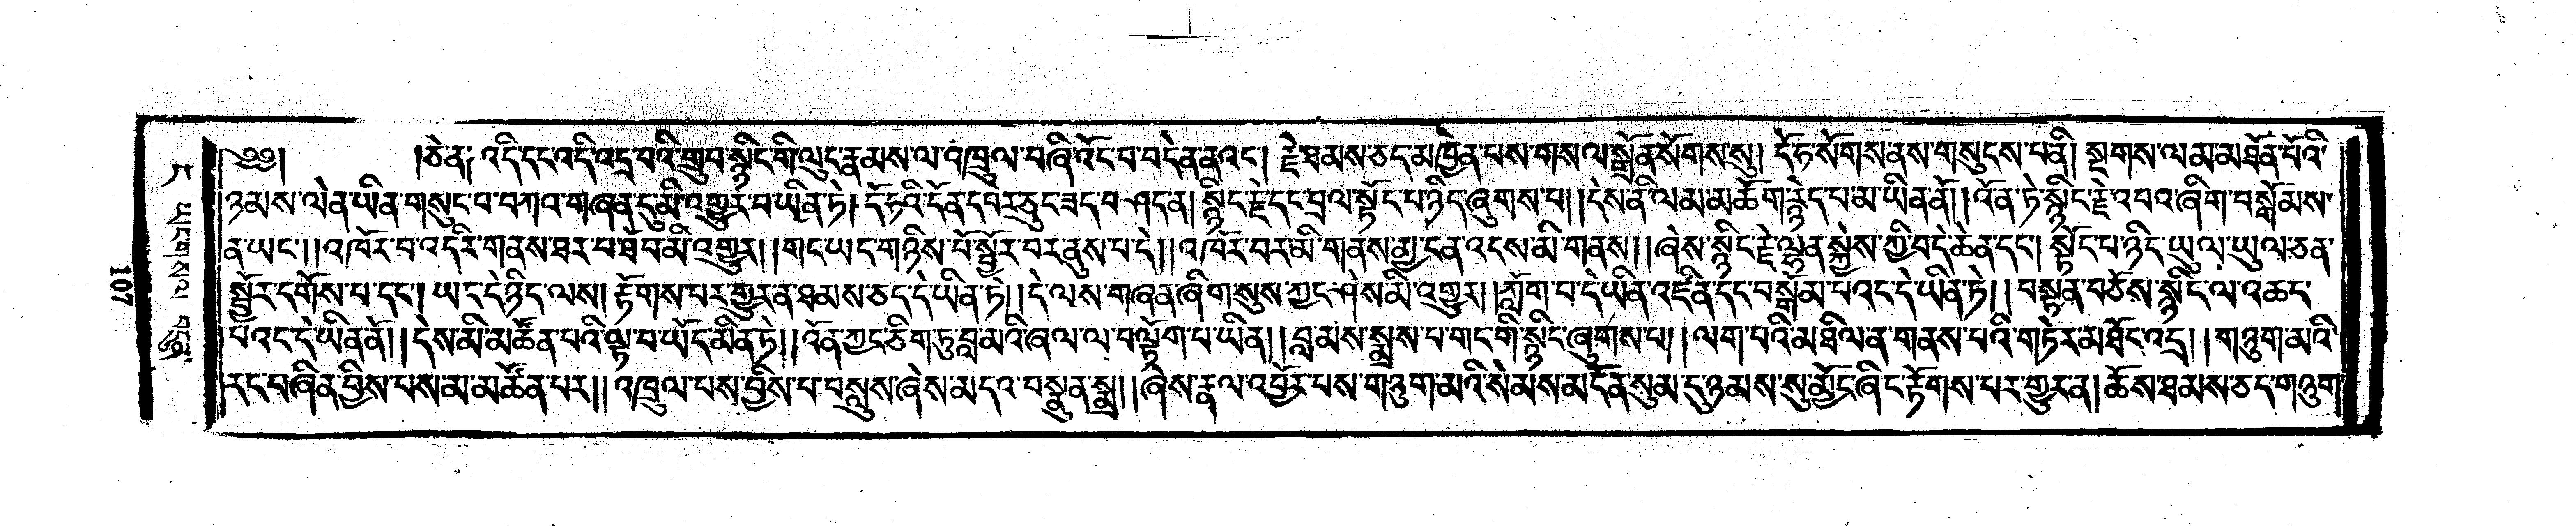༄༅། །ཅེ་ན། འདི་དང་འདི་འདྲ་བའི་གྲུབ་སྙིང་གི་ལུང་རྣམས་ལ་འཁྲུལ་བཞི་འོང་བ་བདེན་ནའང་། རྗེ་ཐམས་ཅད་མཁྱེན་པས་གསལ་སྒྲོན་སོགས་སུ། དོ་ཧ་སོགས་ནས་གསུངས་པ་ནི། སྔགས་ལམ་མཐོན་པོའི་
ཉམས་ལེན་ཡིན་གསུང་པ་བཀའ་གཞན་དུ་མི་འགྱུར་བ་ཡིན་ཏེ། དོ་ཧའི་དོན་དཔེར་ཅུང་ཟད་བཤད་ན། སྙིང་རྗེ་དང་བྲལ་སྟོང་པ་ཉིད་ཞུགས་པ། །དེས་ནི་ལམ་མཆོག་རྙེད་པ་མ་ཡིན་ནོ། །འོན་ཏེ་སྙིང་རྗེ་འབའ་ཞིག་བསྒོམས་
ན་ཡང་། །འཁོར་བ་འདིར་གནས་ཐར་པ་ཐོབ་མི་འགྱུར། །གང་ཡང་གཉིས་པོ་སྦྱོར་བར་ནུས་པ་དེ། །འཁོར་བར་མི་གནས་མྱ་ངན་འདས་མི་གནས། །ཞེས་སྙིང་རྗེ་ལྷན་སྐྱེས་ཀྱི་བདེ་ཆེན་དང་། སྟོང་པ་ཉིད་ཡུལ་ཡུལ་ཅན་
སྦྱོར་དགོས་པ་དང་། ཡང་དེ་ཉིད་ལས། རྟོགས་པར་གྱུར་ན་ཐམས་ཅད་དེ་ཡིན་ཏེ། །དེ་ལས་གཞན་ཞིག་སུས་ཀྱང་ཤེས་མི་འགྱུར། །ཀློག་པ་དེ་ཡིན་འཛིན་དང་བསྒོམ་པའང་དེ་ཡིན་ཏེ། །བསྟན་བཅོས་སྙིང་ལ་འཆད་
པའང་དེ་ཡིན་ནོ། །དེས་མི་མཚོན་པའི་ལྟ་བ་ཡོད་མིན་ཏེ། །འོན་ཀྱང་ཅིག་ཏུ་བླ་མའི་ཞལ་ལ་བལྟོས་པ་ཡིན། །བླ་མས་སྨྲས་པ་གང་གི་སྙིང་ཞུགས་པ། །ལག་པའི་མཐིལ་ན་གནས་པའི་གཏེར་མཐོང་འདྲ། །གཉུག་མའི་
རང་བཞིན་བྱིས་པས་མ་མཚོན་པར། །འཁྲུལ་པས་བྱིས་པ་བསླུས་ཞེས་མདའ་བསྣུན་སྨྲ། །ཞེས་རྣལ་འབྱོར་པས་གཉུག་མའི་སེམས་མངོན་སུམ་དུ་ཉམས་སུ་མྱོང་ཞིང་རྟོགས་པར་གྱུར་ན། ཆོས་ཐམས་ཅད་གཉུག་